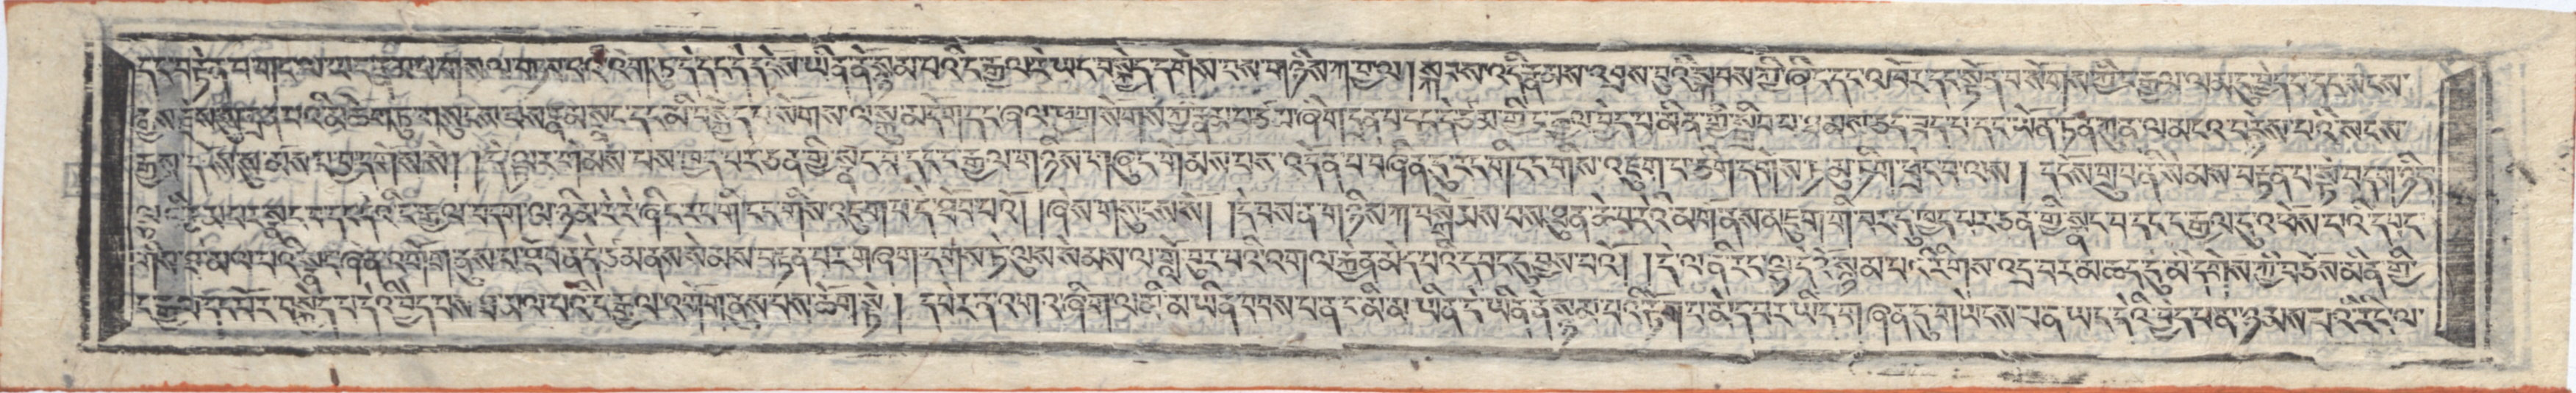དང་བརྟེན་པ་གང་ལ་ཡང་རྣམ་པ་གསལ་བཏབ་པའི་འོག་ཏུ་དེ་དང་དེ་དངོས་ཡིན་ནོ་སྙམ་པའི་ང་རྒྱལ་རེ་ཡང་བསྐྱེད་དགོས་པས་གཉིས་ཀ་བྱ་ལ། སྐབས་འདི་རྣམས་འབྲས་བུའི་སྐབས་ཀྱི་ཞིང་དང་འཁོར་དང་སྟོན་པ་སོགས་ཀྱི་ང་རྒྱལ་ལམ་དུ་བྱེད་པ་དང་སངས་
རྒྱས་རྗེས་སུ་དྲན་པའི་མཆོག་ཏུ་གསུངས་པས་རྣམ་སྣང་དང་མི་བསྐྱོད་པ་སོགས་ལ་སྐུ་མདོག་དང་ཞལ་ཕྱག་སོགས་ཀྱི་རྣམ་པ་ཙམ་ཞིག་དྲན་པ་དང་དེ་ཙམ་གྱི་ང་རྒྱལ་བྱེད་པ་མིན་གྱི་སྒྲིབ་པ་ཐམས་ཅད་ཟད་པ་དང་ཡོན་ཏན་ཀུན་ལ་མངའ་བརྙེས་པའི་སངས་
རྒྱས་དངོས་སུ་མོས་པ་བྱ་དགོས་སོ། །དེ་ལྟར་གོམས་པས་ཁྱད་པར་ཅན་གྱི་སྣང་བ་དང་ང་རྒྱལ་གཉིས་གཞུང་གོམས་པས་འདོན་པ་བཞིན་དུ་རང་གི་ངང་གིས་འཇུག་པ་ཅིག་དགོས་ཏེ་མུ་ཏིག་ཕྲེང་བ་ལས། དངོས་གྲུབ་ནི་སེམས་བརྟན་པ་སྟེ་བདག་ཉིད་
ལྷའི་རྣམ་པར་སྣང་བ་དང་དེའི་ང་རྒྱལ་བདག་ལ་ཉི་མ་རེ་རེ་ཞིང་རང་གི་ངང་གིས་འཇུག་པ་དེ་ཐོབ་པའོ། །ཞེས་གསུངས་སོ། །དེ་བས་ན་གཉིས་ཀ་བསྒོམས་པས་ཐུན་ཆེ་བ་རེའི་མགོ་ནས་མཇུག་གི་བར་དུ་ཁྱད་པར་ཅན་གྱི་སྣང་བ་དང་ང་རྒྱལ་དུ་འཕོས་པའི་དབང་
གིས་ཐ་མལ་པའི་སྣང་ཞེན་འགོག་ནུས་པ་ཐོབ་ན་དེ་ཙམ་ནས་སེམས་བརྟན་པར་གཞག་དགོས་ཏེ་ལུས་སེམས་ལ་གློ་བུར་བའི་འགལ་རྐྱེན་མེད་པའི་དབང་དུ་བྱས་པའོ། །དེ་ལ་ནི་རང་ལྷ་དེའོ་སྙམ་པའི་རིགས་འདྲ་བར་མ་ཆད་དུ་མི་དགོས་ཀྱི་བཅོས་མིན་གྱི་
ང་རྒྱལ་དང་པོར་བསྐྱེད་པ་དེའི་བྱེད་པས་ཐ་མལ་པའི་ང་རྒྱལ་འགོག་ནུས་པས་ཆོག་སྟེ། དཔེར་ན་འགའ་ཞིག་ལ་མི་མ་ཡིན་བབས་པ་ན་ང་མི་མ་ཡིན་དེ་ཡིན་ནོ་སྙམ་པའི་རྟོག་པ་མེད་པར་ཡིད་གཞན་དུ་གཡེངས་པ་ན་ཡང་དེའི་བྱེད་པ་མ་ཉམས་པའི་རིང་ལ་